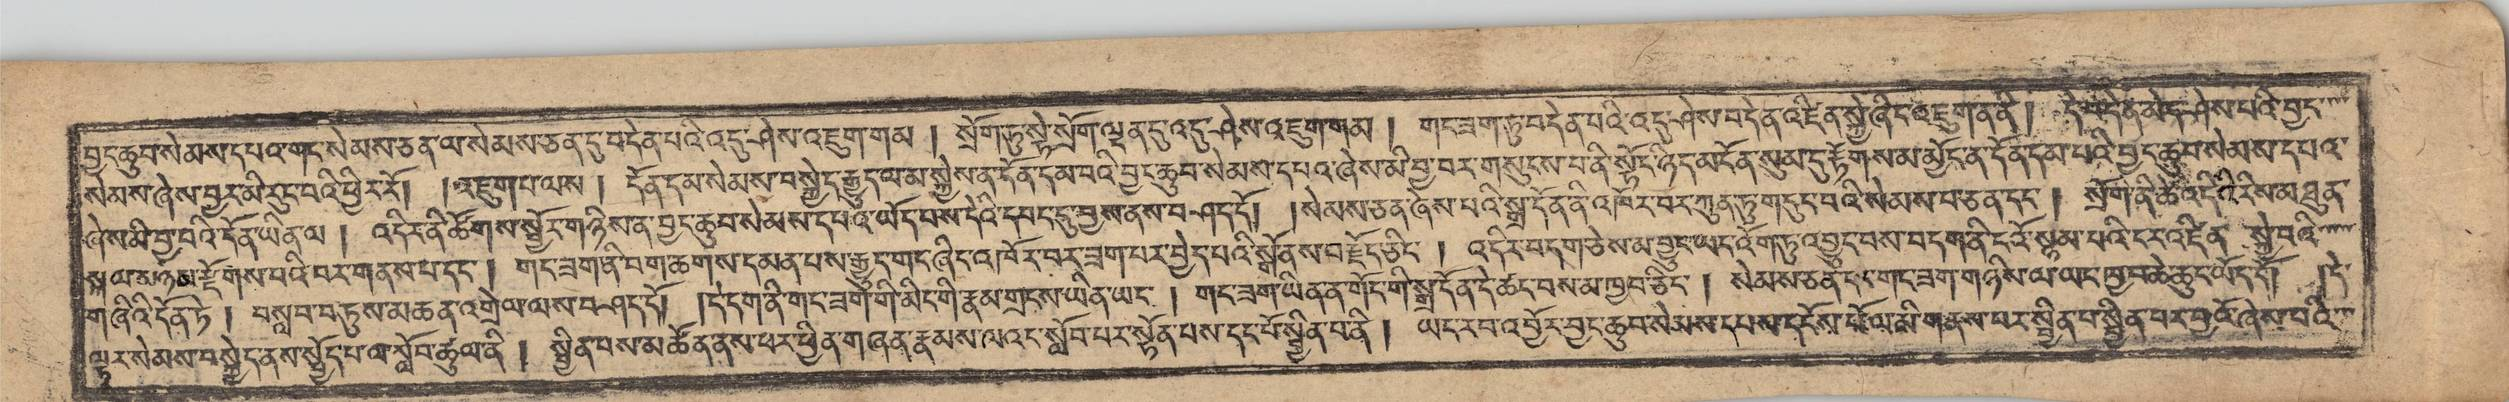བྱང་ཆུབ་སེམས་དཔའ་གང་སེམས་ཅན་ལ་སེམས་ཅན་དུ་བདེན་པའི་འདུ་ཤེས་འཇུག་གམ། སྲོག་ཏུ་སྟེ་སྲོག་ལྡན་དུ་འདུ་ཤེས་འཇུག་གམ། གང་ཟག་ཏུ་བདེན་པའི་འདུ་ཤེས་བདེན་འཛིན་སྐྱེ་ཞིང་འཇུག་ན་ནི། དེ་བདེན་མེད་ཤེས་པའི་བྱང་
སེམས་ཞེས་བྱར་མི་རུང་བའི་ཕྱིར་རོ། །འཇུག་པ་ལས། དོན་དམ་སེམས་བསྐྱེད་རྒྱུད་ལ་མ་སྐྱེས་ན་དོན་དམ་པའི་བྱང་ཆུབ་སེམས་དཔའ་ཞེས་མི་བྱ་བར་གསུངས་པ་ནི་སྟོང་ཉིད་མངོན་སུམ་དུ་རྟོགས་མ་མྱོང་ན་དོན་དམ་པའི་བྱང་ཆུབ་སེམས་དཔའ་
ཞེས་མི་བྱ་བའི་དོན་ཡིན་ལ། འདིར་ནི་ཚོགས་སྦྱོར་གཉིས་ན་བྱང་ཆུབ་སེམས་དཔའ་ཡོད་པས་དེའི་དབང་དུ་བྱས་ནས་བཤད་དོ། །སེམས་ཅན་ཞེས་པའི་སྒྲ་དོན་ནི་འཁོར་བར་ཀུན་ཏུ་གདུང་བའི་སེམས་པ་ཅན་དང་། སྲོག་ནི་ཚེ་འདིའི་རིས་མཐུན་
སྐལ་མཉམ་རྫོགས་པའི་བར་གནས་པ་དང་། གང་ཟག་ནི་བག་ཆགས་དམན་པས་རྒྱུད་གང་ཞིང་འཁོར་བར་ཟག་པར་བྱེད་པའི་སྒོ་ནས་བརྗོད་ཅིང་། འདིར་བདག་ཅེས་མ་བྱུང་ཡང་འོག་ཏུ་འབྱུང་བས་བདག་ནི་ངའོ་སྙམ་པའི་ངར་འཛིན་སྐྱེ་བའི་
གཞིའི་དོན་ཏེ། བསླབ་བཏུས་མཆན་འགྲེལ་ལས་བཤད་དོ། །དེ་དག་ནི་གང་ཟག་གི་མིང་གི་རྣམ་གྲངས་ཡིན་ཡང་། གང་ཟག་ཡིན་ན་གོང་གི་སྒྲ་དོན་དེ་ཚང་བས་མ་ཁྱབ་ཅིང་། སེམས་ཅན་དང་གང་ཟག་གཉིས་ལ་ཡང་ཁྱབ་ཆེ་ཆུང་ཡོད་དོ། །དེ་
ལྟར་སེམས་བསྐྱེད་ནས་སྤྱོད་པ་ལ་སློབ་ཚུལ་ནི། སྦྱིན་པས་མཚོན་ནས་ཕར་ཕྱིན་གཞན་རྣམས་ལའང་སློབ་པར་སྟོན་པས་དང་པོ་སྦྱིན་པ་ནི། ཡང་རབ་འབྱོར་བྱང་ཆུབ་སེམས་དཔས་དངོས་པོ་ལ་མི་གནས་པར་སྦྱིན་པ་སྦྱིན་པར་བྱའོ་ཞེས་པའི་